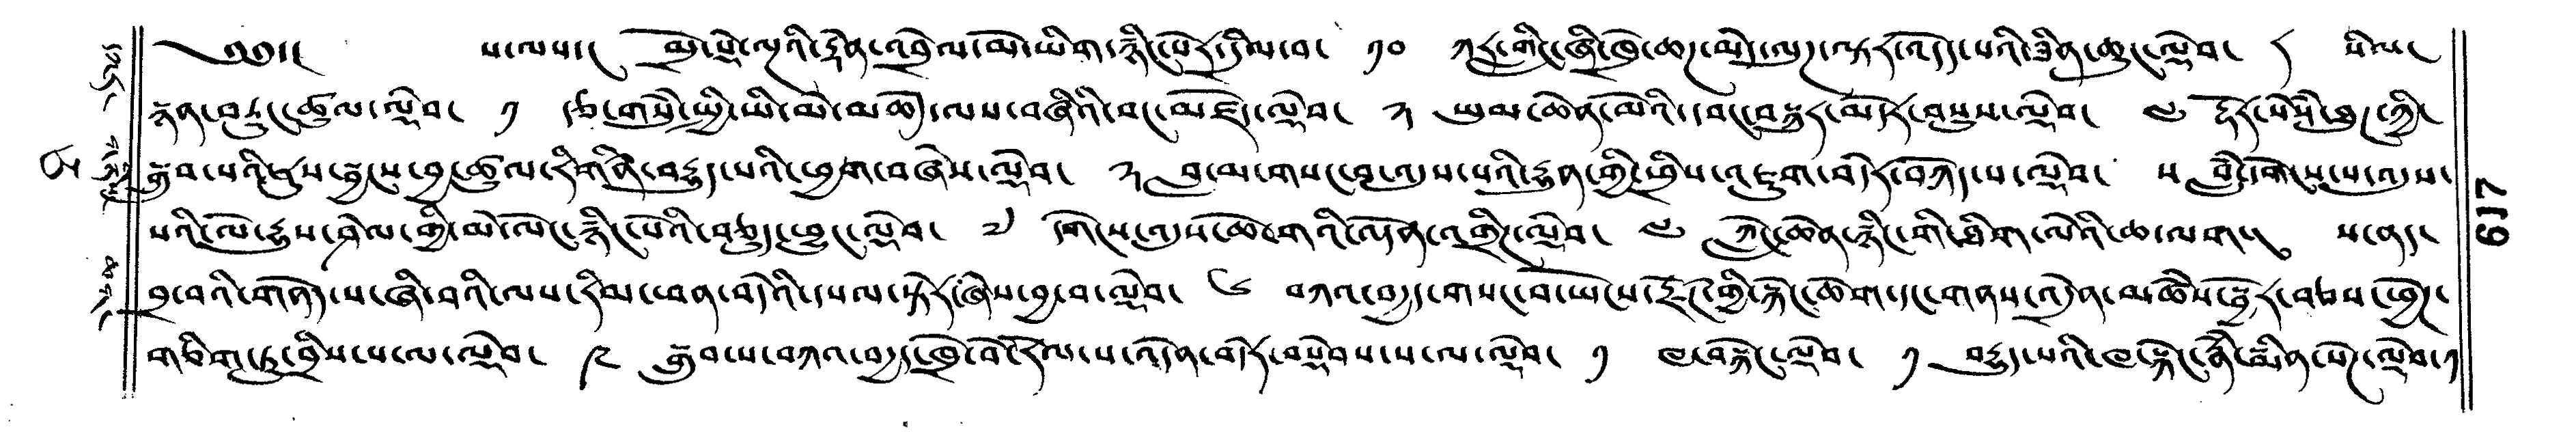པ་ལས། མཁའ་འགྲོ་སྡེ་ལྔའི་རྟེན་འབྲེལ་མོ་ཡིག་སྙིང་པོར་དྲིལ་བ། ཀར་གླིང་ཞི་ཁྲོ་ཆགས་མེད་ལུགས་ལྟར་འདོན་པའི་ཟིན་ཆུང་ལྡེབ། སིལ་
སྙན་རྡུང་ཚུལ་ལྡེབ། རྩ་གསུམ་སྤྱི་ཡི་མེ་མཆོད་ལས་བཞིའི་བང་མཛོད་ལྡེབ། ཡུམ་ཆེན་མོའི་དབང་བསྐུར་མདོར་བསྡུས་ལྡེབ། རྡོར་སེམས་ཐུགས་ཀྱི་
སྒྲུབ་པའི་རུས་སྦྱོང་བྱ་ཚུལ་རིག་འཛིན་བརྒྱུད་པའི་ཕྱག་བཞེས་ལྡེབ། བླ་མ་གསང་བ་འདུས་པའི་རྒྱུན་གྱི་ཕྲིན་ལས་འཇུག་བདེར་བཀོད་པ་ལྡེབ། བླ་མ་དགོངས་པ་འདུས་
པའི་ལོ་རྒྱུས་ཤེལ་གྱི་མེ་ལོང་སྙིང་པོའི་བཅུད་ཕྱུང་ལྡེབ། དགོངས་འདུས་ཆོ་གའི་འདོན་འགྲིགས་ལྡེབ། ཀློང་ཆེན་སྙིང་གི་ཐིག་ལེའི་ཆ་ལག་ས་ནད་
བྲ་བའི་གནོད་པ་ཞི་བའི་ལས་རིམ་ཕན་བདེའི་དཔལ་སྟེར་ཞེས་བྱ་བ་ལྡེབ། བཀའ་བརྒྱད་གསང་བ་ཡོངས་རྫོགས་ཀྱི་སྐོང་ཆོག་དང་གནས་འདྲེན་མཚམས་སྦྱོར་བཅས་ཕྱོགས་
གཅིག་ཏུ་བྲིས་པ་ལ་ལྡེབ། སྒྲུབ་པ་བཀའ་བརྒྱད་ཁྲོ་བོ་རོལ་པ་འདོན་བདེར་བསྡེབས་པ་ལ་ལྡེབ། ཁ་སྐོང་ལྡེབ། བརྒྱུད་པའི་ཁ་སྐོང་རྣམ་སྨིན་སོགས་ལྡེབ།